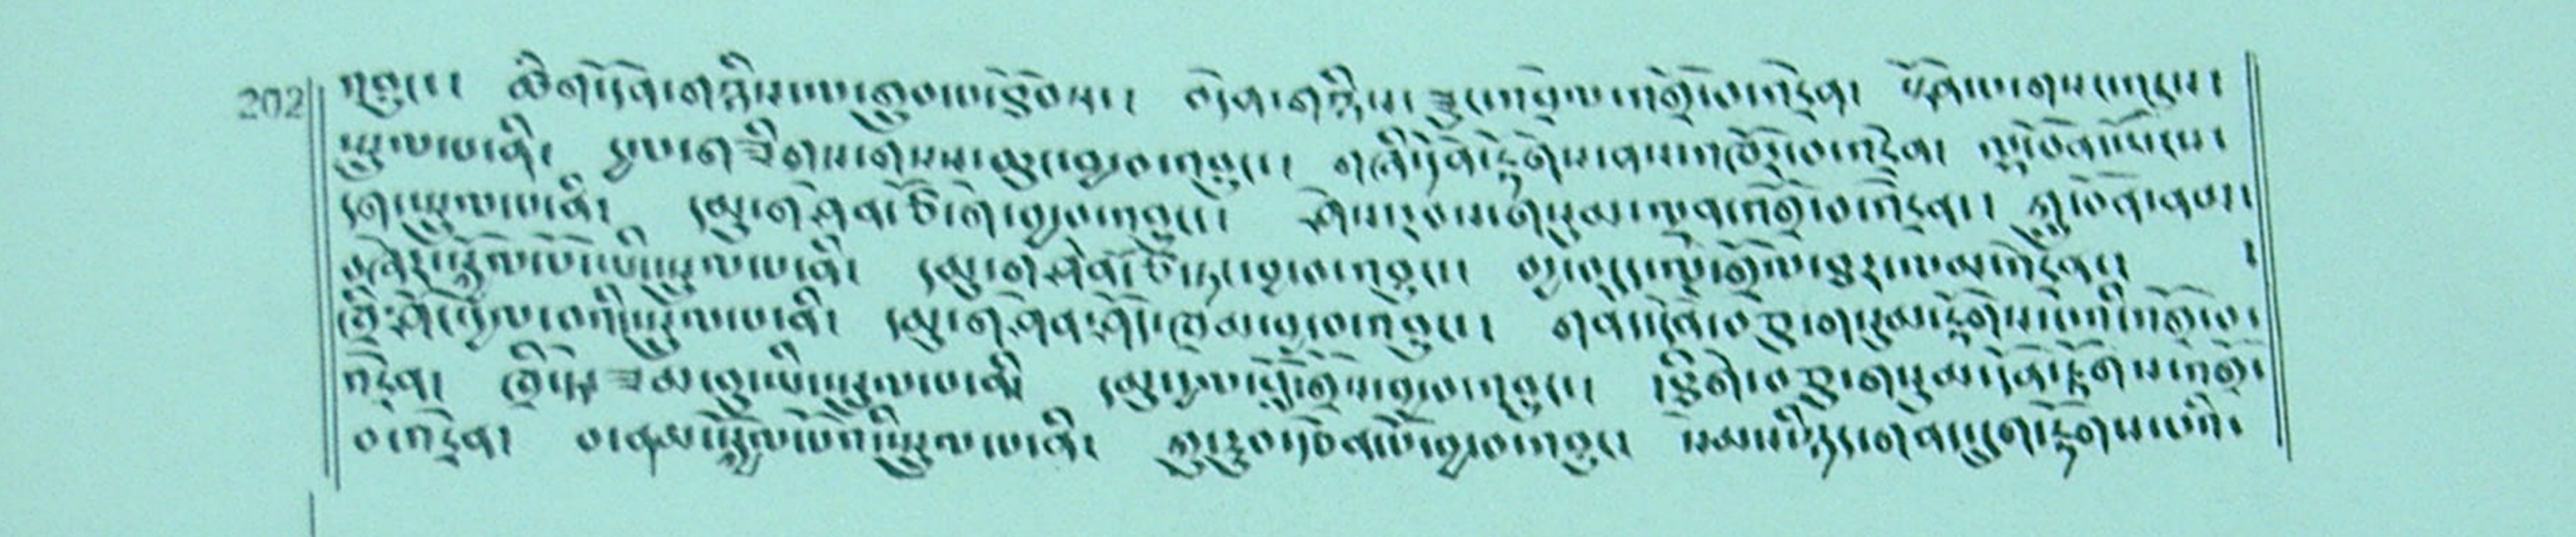འབྱུང་། ཚིག་དོན་གཉིས་ལ་གྲུབ་པ་ཐོབས། བདེན་གཉིས་ཟུང་འབྲེལ་འགྲོ་བ་འདྲེན། སྟོན་པ་གསང་འདུས་
སྤྲུལ་པ་ནི། རྒྱལ་གཟིགས་གསས་ཆུང་བྱ་བ་འབྱུང་། གཞི་དོན་རྟོགས་ནས་འཁོར་བ་འདྲེན། ལྷ་བོན་ཡོང་
དག་སྤྲུལ་པ་ནི། དམུ་གཤེན་ཙོ་གེ་བྱ་བ་འབྱུང་། ཤེས་རབ་གསུམ་ལྡན་འགྲོ་བ་འདྲེན། ཀླུ་བོན་ནམ་
བཞེར་སྐྱོལ་པོ་ཡི་སྤྲུལ་པ་ནི། དམུ་གཤེན་ཙོ་ཏང་བྱ་བ་འབྱུང་། རྒྱ་མདུད་ལྔ་གྲོལ་ཐར་ལམ་འདྲེན། 
ཁྲི་ཤོང་རྒྱལ་བའི་སྤྲུལ་པ་ནི། དམུ་གཤེན་ཤོད་ཁྲམ་བྱ་བ་འབྱུང་། གནད་དོན་བཅུ་གསུམ་རྟོགས་པའི་འགྲོ་བ་
འདྲེན། ཁྲི་ཏེ་ཟམ་བུ་ཡི་སྤྲུལ་པ་ནི། དམུ་རྒྱལ་བློ་གྲོས་བྱ་བ་འབྱུང་། ཐིག་ལེ་བཅུ་གསུམ་དོན་རྟོགས་འགྲོ་
བ་འདྲེན། བ་ནམ་སྐྱོལ་པོའི་སྤྲུལ་པ་ནི། གུ་རུབ་རྩེན་པོ་བྱ་བ་འབྱུང་། སེམས་ཉིད་གནད་དྲུག་རྟོགས་པའི་